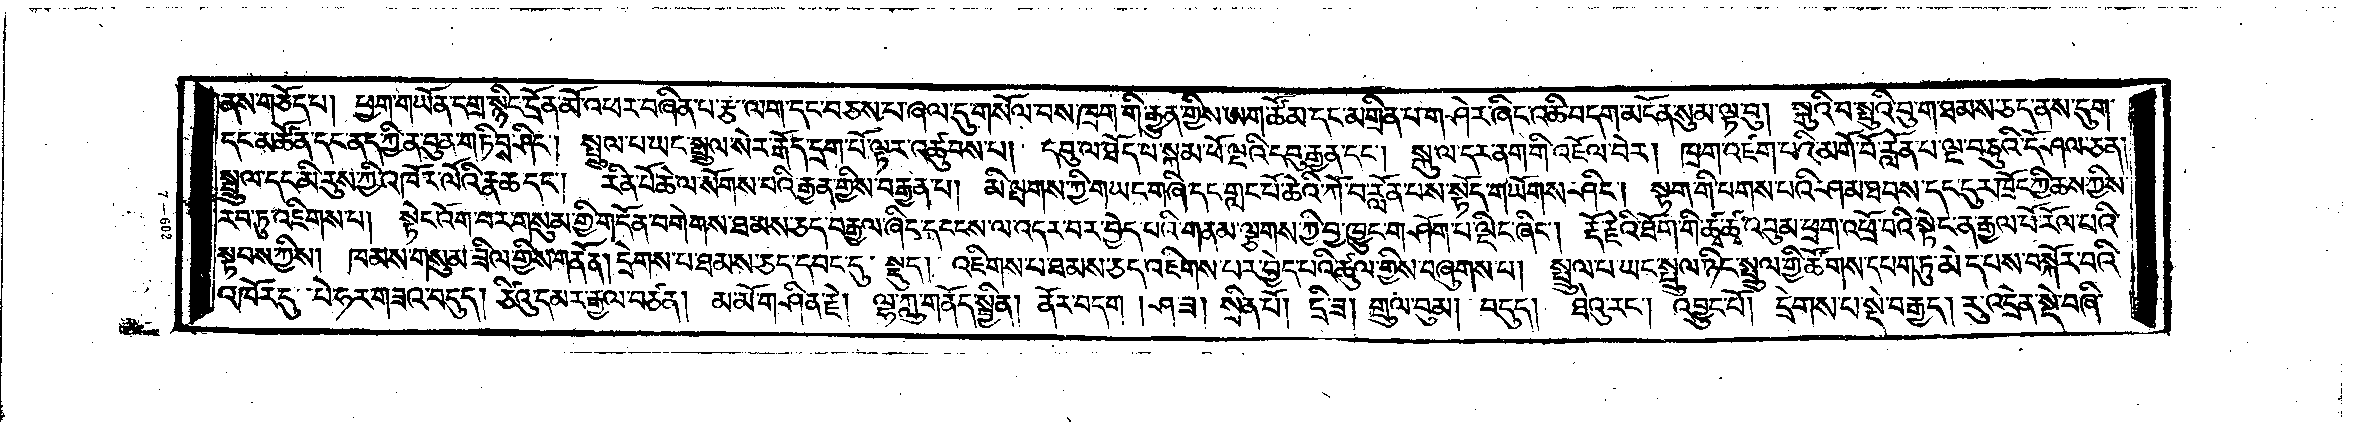ནམ་གཅོད་བ། ཕྱག་གཡོན་དགྲ་སྙིང་དྲོན་མོ་འཕར་བཞིན་བརྩེ་ལག་དང་བཅས་པ་ཞལ་དུ་གསོལ་བས་ཁྲག་གི་རྒྱུན་གྱིས་ཨག་ཚོམ་དང་མགྲིན་པ་གཤེར་ཞིང་འཆི་བདག་མངོན་སུམ་ལྟ་བུ། སྐུའི་བ་སྤུའི་བུ་ག་ཐམས་ཅད་ནས་དུག་
དང་མཚོན་དང་ནད་ཀྱི་ན་བུན་བཏིབས་ཤིང་། སྤྲུལ་པ་ཡང་སྤྲུལ་སེར་རྒོད་དྲག་པོ་ལྟར་འཚུབས་པ། དབུ་ལ་ཐོད་བ་སྐམ་པོ་ལྔའི་དབུ་རྒྱན་དང་། སྐུ་ལ་དར་ནག་གི་འཇོལ་བེར། ཁྲག་འཛག་པའི་མགོ་པོ་རློན་པ་ལྔ་བཅུའི་དོ་ཤལ་ཅན་
སྤྲུལ་དང་མི་རུས་ཀྱི་འཁོར་ལོའི་རྣ་ཆ་དང་། རིན་པོ་ཆེ་ལ་སོགས་པའི་རྒྱན་གྱིས་བརྒྱན་པ། མི་ལྕགས་ཀྱི་གཡང་གཞི་དང་གླང་པོ་ཆེའི་ཀོ་བ་རློན་པས་སྟོད་གཡོགས་ཤིང་། སྟག་གི་པགས་པའི་ཤམ་ཐབས་དང་དུར་ཁྲོད་ཀྱི་ཆས་ཀྱིས་
རབ་ཏུ་འཇིགས་པ། སྟེང་འོག་བར་གསུམ་གྱི་གདོན་བགེགས་ཐམས་ཅད་བརྒྱལ་ཞིང་དངངས་ལ་འདར་བར་བྱེད་པའི་གནམ་ལྕགས་ཀྱི་བྱ་ཁྱུང་གཤོག་པ་ལྡིང་ཞིང་། རྡོ་རྗེའི་ཐོག་གི་ཚྭ་ཚྭ་འབུམ་ཕྲག་འཕྲོ་བའི་སྟེང་ན་རྒྱལ་པོ་རོལ་བའི་
སྟབས་ཀྱིས། ཁམས་གསུམ་ཟིལ་གྱིས་གནོན། དྲེགས་པ་ཐམས་ཅད་དབང་དུ་སྡུད། འཇིགས་པ་ཐམས་ཅད་འཇིགས་པར་བྱེད་པའི་ཚུལ་གྱིས་བཞུགས་པ། སྤྲུལ་པ་ཡང་སྤྲུལ་ཉིད་སྤྲུལ་གྱི་ཚོགས་དཔག་ཏུ་མེད་པས་བསྐོར་བའི་
འཁོར་དུ་བེ་ཧར་གཟའ་བདུད། ཙིའུ་དམར་རྒྱལ་བཙན། མ་མོ་གཤིན་རྗེ། ལྷ་ཀླུ་གནོད་སྦྱིན། ནོར་བདག །ཤ་ཟ། སྲིན་པོ། དྲི་ཟ། གྲུལ་བུམ། བདུད། ཐེའུ་རང་། འབྱུང་པོ། དྲེགས་པ་སྡེ་བརྒྱད། རུ་འདྲེན་སྡེ་བཞི་